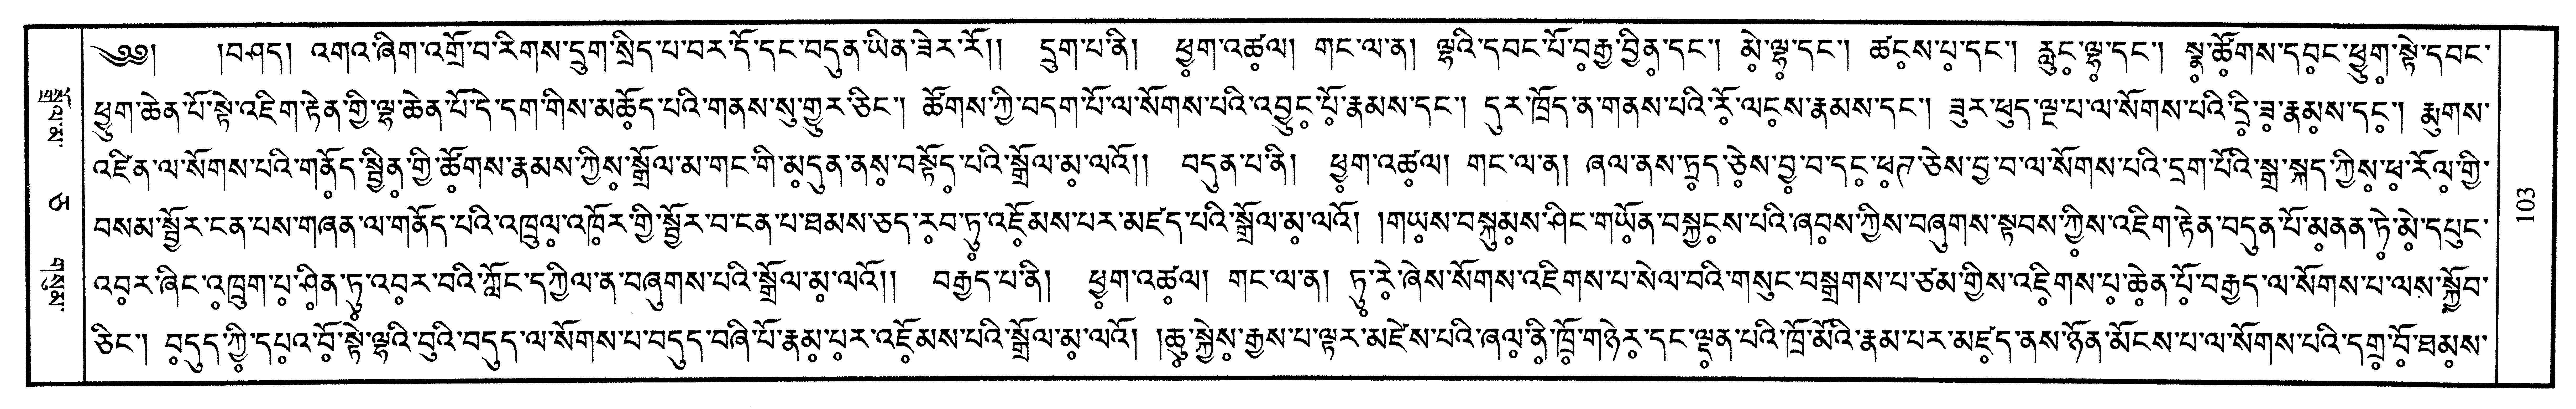༄༅། །བཤད། འགའ་ཞིག་འགྲོ་བ་རིགས་དྲུག་སྲིད་པ་བར་དོ་དང་བདུན་ཡིན་ཟེར་རོ།། དྲུག་པ་ནི། ཕྱག་འཚལ། གང་ལ་ན། ལྷའི་དབང་པོ་བརྒྱ་བྱིན་དང་། མེ་ལྷ་དང་། ཚངས་པ་དང་། རླུང་ལྷ་དང་། སྣ་ཚོགས་དབང་ཕྱུག་སྟེ་དབང་
ཕྱུག་ཆེན་པོ་སྟེ་འཇིག་རྟེན་གྱི་ལྷ་ཆེན་པོ་དེ་དག་གིས་མཆོད་པའི་གནས་སུ་གྱུར་ཅིང་། ཚོགས་ཀྱི་བདག་པོ་ལ་སོགས་པའི་འབྱུང་པོ་རྣམས་དང་། དུར་ཁྲོད་ན་གནས་པའི་རོ་ལངས་རྣམས་དང་། ཟུར་ཕུད་ལྔ་པ་ལ་སོགས་པའི་དྲི་ཟ་རྣམས་དང་། རྨུགས་
འཛིན་ལ་སོགས་པའི་གནོད་སྦྱིན་གྱི་ཚོགས་རྣམས་ཀྱིས་སྒྲོལ་མ་གང་གི་མདུན་ནས་བསྟོད་པའི་སྒྲོལ་མ་ལའོ།། བདུན་པ་ནི། ཕྱག་འཚལ། གང་ལ་ན། ཞལ་ནས་ཏྲད་ཅེས་བྱ་བ་དང་ཕཊ་ཅེས་བྱ་བ་ལ་སོགས་པའི་དྲག་པོའི་སྒྲ་སྐད་ཀྱིས་ཕ་རོལ་གྱི་
བསམ་སྦྱོར་ངན་པས་གཞན་ལ་གནོད་པའི་འཁྲུལ་འཁོར་གྱི་སྦྱོར་བ་ངན་པ་ཐམས་ཅད་རབ་ཏུ་འཇོམས་པར་མཛད་པའི་སྒྲོལ་མ་ལའོ། །གཡས་བསྐུམས་ཤིང་གཡོན་བསྐྱངས་པའི་ཞབས་ཀྱིས་བཞུགས་སྟབས་ཀྱིས་འཇིག་རྟེན་བདུན་པོ་མནན་ཏེ་མེ་དཔུང་
འབར་ཞིང་འཁྲུག་པ་ཤིན་ཏུ་འབར་བའི་ཀློང་དཀྱིལ་ན་བཞུགས་པའི་སྒྲོལ་མ་ལའོ།། བརྒྱད་པ་ནི། ཕྱག་འཚལ། གང་ལ་ན། ཏུ་རེ་ཞེས་སོགས་འཇིགས་པ་སེལ་བའི་གསུང་བསྒྲགས་པ་ཙམ་གྱིས་འཇིགས་པ་ཆེན་པོ་བརྒྱད་ལ་སོགས་པ་ལས་སྐྱོབ་
ཅིང་། བདུད་ཀྱི་དཔའ་བོ་སྟེ་ལྷའི་བུའི་བདུད་ལ་སོགས་པ་བདུད་བཞི་པོ་རྣམ་པར་འཇོམས་པའི་སྒྲོལ་མ་ལའོ། །ཆུ་སྐྱེས་རྒྱས་པ་ལྟར་མཛེས་པའི་ཞལ་ནི་ཁྲོ་གཉེར་དང་ལྡན་པའི་ཁྲོ་མོའི་རྣམ་པར་མཛད་ནས་ཉོན་མོངས་པ་ལ་སོགས་པའི་དགྲ་བོ་ཐམས་